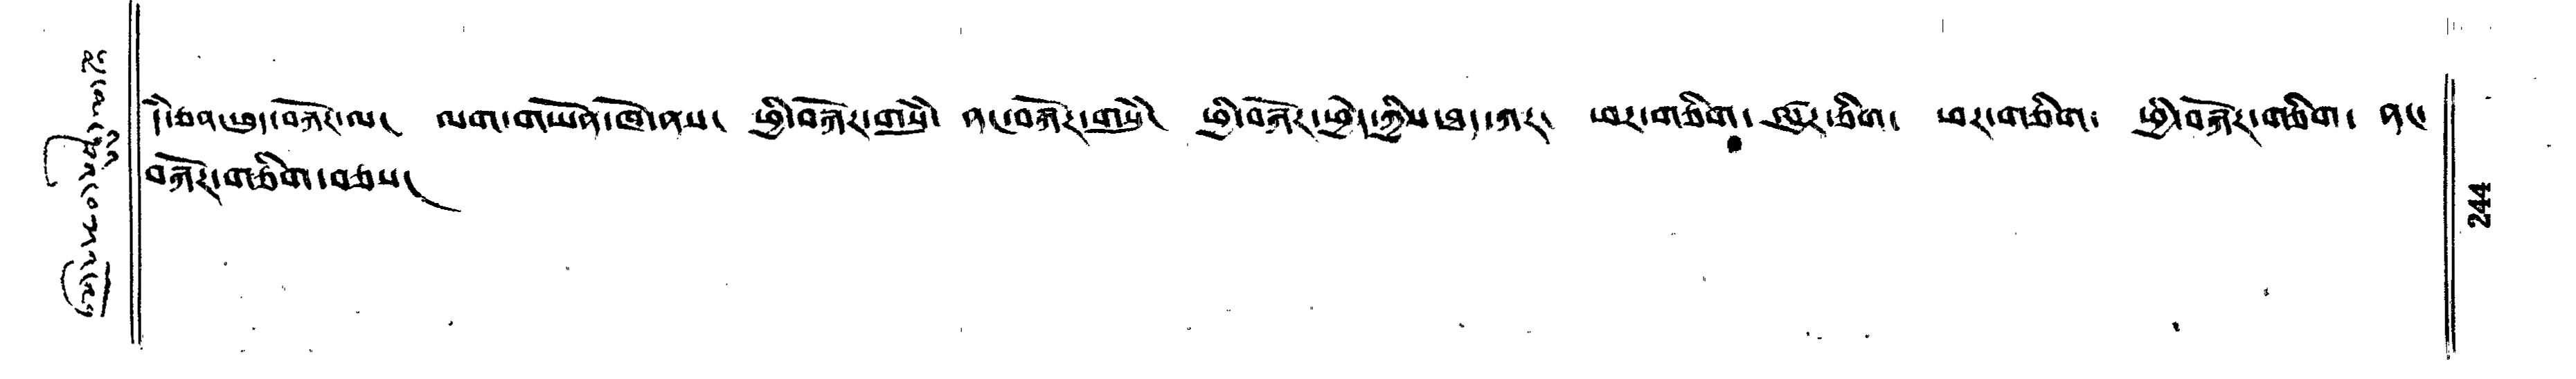དམ་ཅན་ཕུད་བསྐོར་ལ། ལག་གཡོན་ཁོ་ནས། ཕྱི་བསྐོར་གསུམ། ཕྱི་བསྐོར་ཕྱེད་ཀྱིས་ཐད་ཀར། ཕར་གཅིག ཚུར་ཅིག ཕར་གཅིག ཕྱི་བསྐོར་གཅིག ནང་
བསྐོར་གཅིག་བཅས་སོ།།